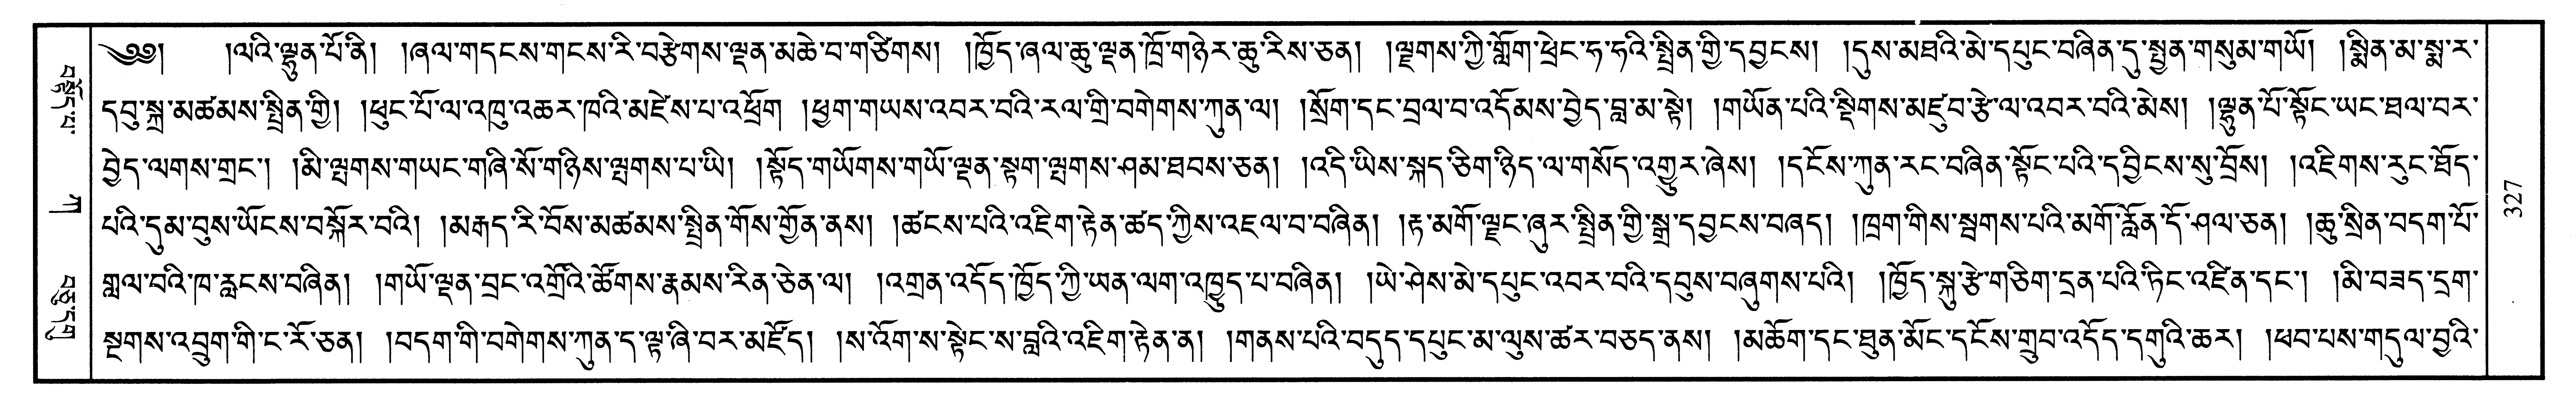༄༅། །ལའི་ལྷུན་པོ་ནི། །ཞལ་གདངས་གངས་རི་བརྩེགས་ལྡན་མཆེ་བ་གཙིགས། །ཁྱོད་ཞལ་ཆུ་ལྡན་ཁྲོ་གཉེར་ཆུ་རིས་ཅན། །ལྗགས་ཀྱི་གློག་ཕྲེང་ཧ་ཧའི་སྤྲིན་གྱི་དབྱངས། །དུས་མཐའི་མེ་དཔུང་བཞིན་དུ་སྤྱན་གསུམ་གཡོ། །སྨིན་མ་སྨ་ར་
དབུ་སྐྲ་མཚམས་སྤྲིན་གྱི། །ཕུང་པོ་ལ་འཁུ་འཆར་ཁའི་མཛེས་པ་འཕྲོག །ཕྱག་གཡས་འབར་བའི་རལ་གྲི་བགེགས་ཀུན་ལ། །སྲོག་དང་བྲལ་བ་འདོམ་བྱེད་བླ་མ་སྟེ། །གཡོན་པའི་སྡིགས་མཛུབ་རྩེ་ལ་འབར་བའི་མེས། །ལྷུན་པོ་སྟོང་ཡང་ཐལ་བར་
བྱེད་ལགས་གྲང་། །མི་ལྤགས་གཡང་གཞི་སོ་གཉིས་ལྤགས་པ་ཡི། །སྟོད་གཡོགས་གཡོ་ལྡན་སྟག་ལྤགས་ཤམ་ཐབས་ཅན། །འདི་ཡིས་སྐད་ཅིག་ཉིད་ལ་གསོད་འགྱུར་ཞེས། །དངོས་ཀུན་རང་བཞིན་སྟོང་པའི་དབྱིངས་སུ་བྲོས། །འཇིགས་རུང་ཐོད་
པའི་དུམ་བུས་ཡོངས་བསྐོར་བའི། །མྲྒད་རི་བོས་མཚམས་སྤྲིན་གོས་གྱོན་ནས། །ཚངས་པའི་འཇིག་རྟེན་ཚད་ཀྱིས་འཇལ་བ་བཞིན། །རྟ་མགོ་ལྗང་ཞུར་སྤྲིན་གྱི་སྒྲ་དབྱངས་བཞད། །ཁྲག་གིས་སྦགས་པའི་མགོ་རློན་དོ་ཤལ་ཅན། །ཆུ་སྲིན་བདག་པོ་
གླལ་བའི་ཁ་རླངས་བཞིན། །གཡོ་ལྡན་བྲང་འགྲོའི་ཚོགས་རྣམས་རིན་ཅེན་ལ། །འགྲན་འདོད་ཁྱོད་ཀྱི་ཡན་ལག་འཁྱུད་པ་བཞིན། །ཡེ་ཤེས་མེ་དཔུང་འབར་བའི་དབུས་བཞུགས་པའི། །ཁྱོད་སྐུ་རྩེ་གཅིག་དྲན་པའི་ཏིང་འཛིན་དང་། །མི་བཟད་དྲག་
སྔགས་འབྲུག་གི་ང་རོ་ཅན། །བདག་གི་བགེགས་ཀུན་ད་ལྟ་ཞི་བར་མཛོད། །ས་འོག་ས་སྟེང་ས་བླའི་འཇིག་རྟེན་ན། །གནས་པའི་བདུད་དཔུང་མ་ལུས་ཚར་བཅད་ནས། །མཆོག་དང་ཐུན་མོང་དངོས་གྲུབ་འདོད་དགུའི་ཆར། །ཕབ་པས་གདུལ་བྱའི་